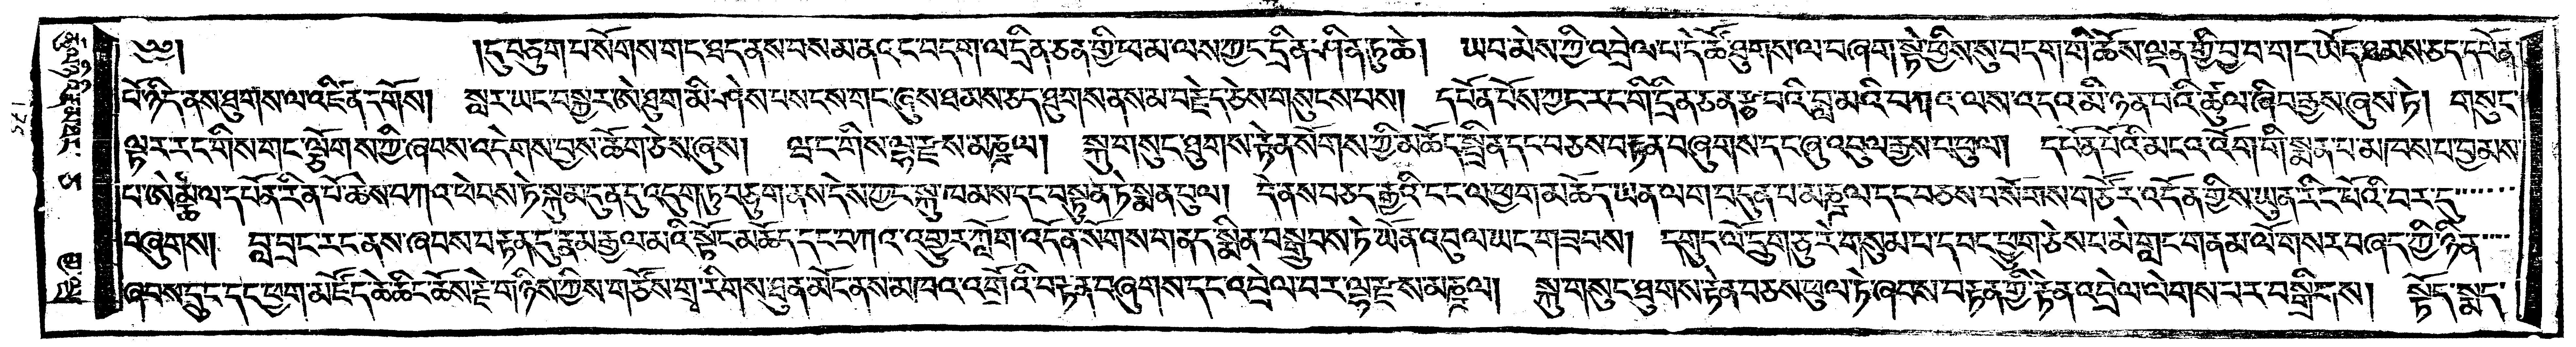༄༅། །དུ་བཅུག་པ་སོགས་གང་ཐད་ནས་བསམ་ནའང་བདག་ལ་དྲིན་ཅན་གྱི་ཕ་མ་ལས་ཀྱང་དྲིན་ཤིན་ཏུ་ཆེ། ཡབ་མེས་ཀྱི་འབྲེལ་བ་དེ་ཚོ་ཐུགས་ལ་བཞག་སྟེ་ཕྱིས་སུ་བདག་གི་ཆོས་ལྡན་གྱི་བྱ་བ་གང་ཡོད་ཐམས་ཅད་དཔོན་
པོ་ཉིད་ནས་ཐུགས་ལ་འཛིན་དགོས། སླར་ཡང་བསྐྱར་ཨེ་ཐུག་མི་ཤེས་པས་ངས་གང་ཞུས་ཐམས་ཅད་ཐུགས་ནས་མ་བརྗེད་ཅེས་གསུངས་པས། དཔོན་པོས་ཀྱང་རང་གི་དྲིན་ཅན་རྩ་བའི་བླ་མའི་བཀའ་ལས་འདའ་མི་ཉན་བའི་ཚུལ་ཞིབ་རྒྱས་ཞུས་ཏེ། གསུང་
ལྟར་རང་གིས་གང་ལྕོགས་ཀྱི་ཞབས་འདེགས་བྱས་ཆོག་ཅེས་ཞུས། ཝང་གིས་ལྷ་རྫས་མཎྜལ། སྐུ་གསུང་ཐུགས་རྟེན་སོགས་ཀྱི་མཆོད་སྤྲིན་དང་བཅས་བརྟན་བཞུགས་དང་ཞུ་འབུལ་རྒྱས་པ་ཕུལ། དཔོན་པོའི་མངའ་འོག་གི་སྨན་པ་མཁས་པ་བྱམས་
པ་ཨེམཆི་ལ་དཔོན་རིན་པོ་ཆེས་བཀའ་ཕེབས་ཏེ་སྐུ་མདུན་དུ་འདུག་ཏུ་བཅུག་ནས་དེས་ཀྱང་སྐུ་ཁམས་དང་བསྟུན་ཏེ་སྨན་ཕུལ། དེ་ནས་བཅད་རྒྱའི་ངང་ལ་ཕྱག་མཆོད་ཡན་ལག་བདུན་པ་མཎྜལ་དང་བཅས་པ་སོགས་གཙོར་འདོན་གྱིས་ཡུན་རིང་པོའི་བར་དུ་
བཞུགས། བླ་བྲང་རང་ནས་ཞབས་བརྟན་དུ་རྣམ་རྒྱལ་མའི་སྟོང་མཆོད་དང་བཀའ་འགྱུར་ཀློག་འདོན་སོགས་གནད་སྨིན་བསྒྲུབ་ཏེ་ཡོན་འབུལ་ཡང་གཟབས། དགུང་ལོ་དྲུག་ཅུ་རེ་གསུམ་པ་དབང་ཕྱུག་ཅེས་བ་མེ་གླང་གནམ་ལོ་གསར་བཞད་ཀྱི་ཉིན་
ཞབས་དྲུང་དང་ཕྱག་མཛོད་ཆེ་ཆིང་ཆོས་རྗེ་གཉིས་ཀྱིས་གཙོས་གྲྭ་རིགས་ཐུན་མོང་ནས་མཁའ་འགྲོའི་བརྟན་བཞུགས་དང་འབྲེལ་བར་ལྷ་རྫས་མཎྜལ། སྐུ་གསུང་ཐུགས་རྟེན་བཅས་ཕུལ་ཏེ་ཞབས་བརྟན་གྱི་རྟེན་འབྲེལ་ལེགས་པར་བསྒྲིགས། སྟོད་སྨད་